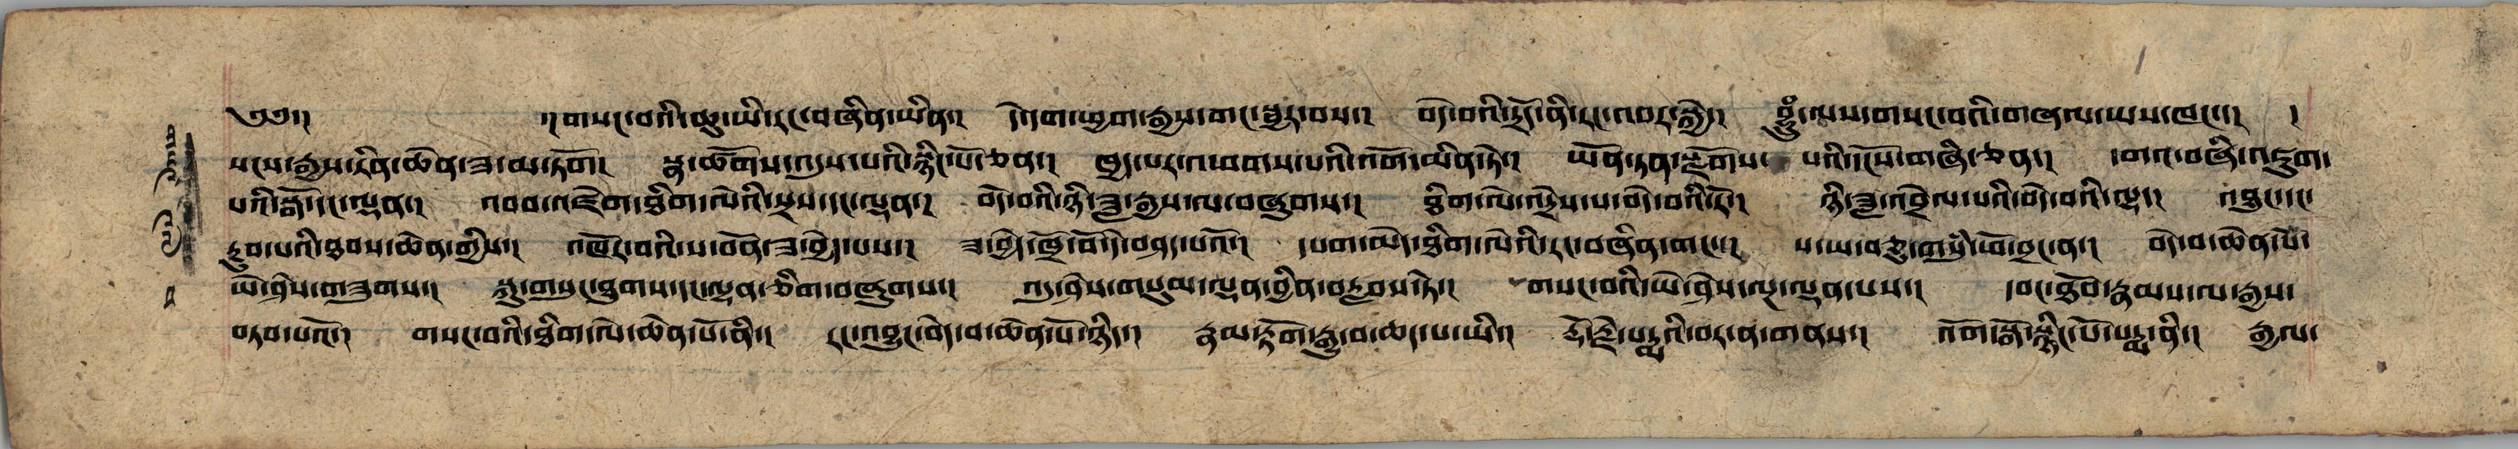༄༅་། ་།གསང་བའི་ཆུ་ཡི་རང་བཞིན་ཡིན་། དེ་དག་ཕྱག་རྒྱས་གང་སྦྱར་བས་། བདེ་བའི་དྲོད་ནི་རབ་འབར་སྐྱེ་། བྷྲུཾ་ལས་གསང་བའི་གཞལ་ཡས་ཁང་་། །
སངས་རྒྱས་རིན་ཆེན་ཟ་མ་ཏོག། སྣ་ཚོགས་འདུས་པའི་སྙིང་པོ་ཅན་། ཁྱད་པར་འཕགས་པའི་འོག་མིན་ཏེ་། ཡོན་ཏན་སྫོགས་ པའི་དངོས་གཞི་ཅན་། དགའ་བཞི་འཇུག་
པའི་སྒོ་དང་ལྡན་། འབབ་འཛེག་ཐིག་ལེའི་སྲས་དང་ལྡན་། བདེ་བའི་ཉི་ཟླ་རྒྱས་ལ་བཞུགས་། ཐིག་ལེ་འདྲེས་པ་བདེ་བའི་རོ་། ཉི་ཟླ་འབྲེལ་པའི་བདེ་བའི་ལྷ་། འབྱུང་དང་
རྔུབ་པའི་ཐབས་ཆེན་གྱིས་། འཁོར་བའི་ས་བོན་ཟ་བྱེད་པས་། ཟ་བྱེད་ཁྲོ་བོ་དེ་བཤད་པའོ་། དཔག་མེད་ཐིག་ལེའི་རང་བཞིན་གང་་། ས་ཡ་བཅུ་གསུཾ་ཕོ་བྲང་ན་། བདེ་བ་ཆེན་པོ་
ཡེ་ཤེས་གཟུགས་། སྐུ་གསུང་ཐུགས་དང་ལྷན་ཅིག་བཞུགས་། འདུ་ཤེས་གསུམ་ལྡན་བྱིན་བརླབས་ཏེ་། གསང་བའི་ཡེ་ཤེས་ལྔ་ལྡན་པས་། དབང་ཐོབ་རྣམས་ལ་རྒྱས་
བཏབ་པའོ་། གསང་བའི་ཐིག་ལེ་ཆེན་པོ་ནི་། རང་འབྱུང་བདེ་བ་ཆེན་པོ་ཉིད་། རྣམ་རྟོག་རྒྱུ་བ་ཆད་པ་ཡི་། རྡོ་རྗེ་པདྨའི་བར་ན་གནས་། འོག་སྒོ་སྙིང་པོ་པདྨ་ནི་། རྒྱལ་